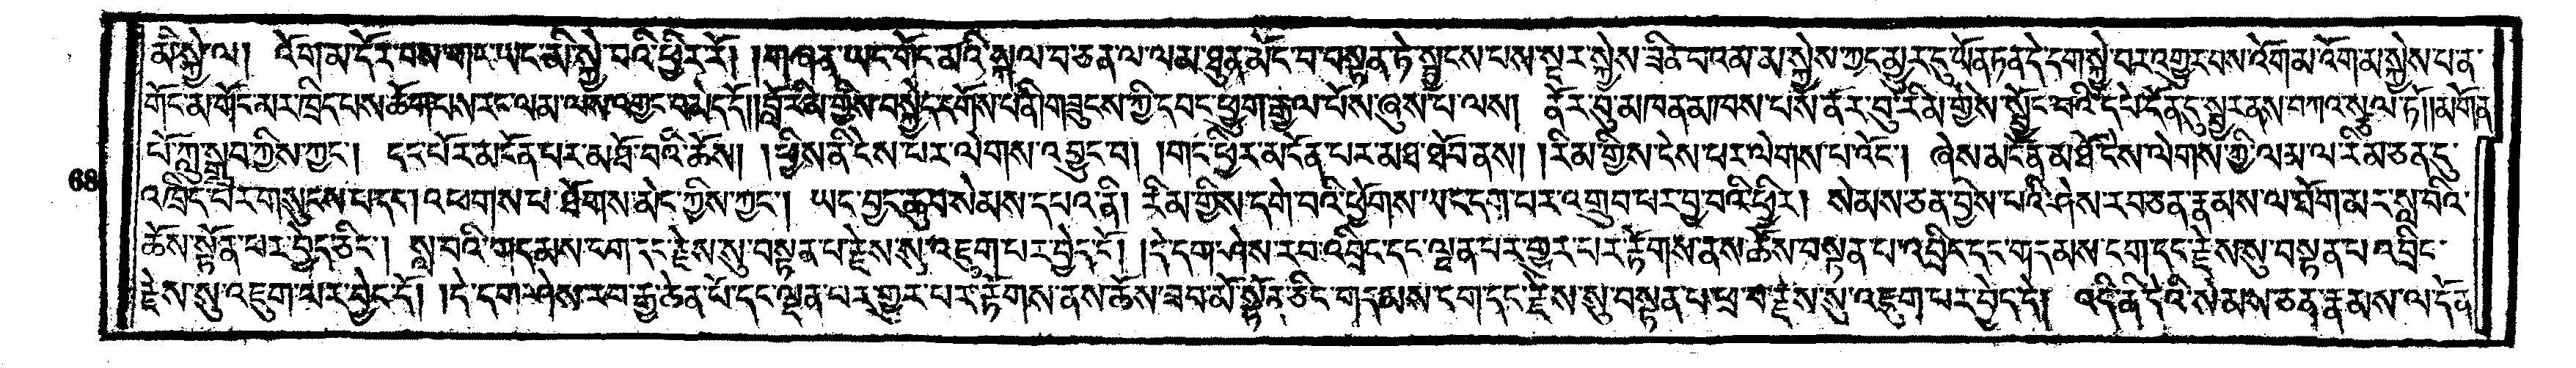མི་སྐྱེ་ལ། འོག་མ་དོར་བས་གང་ཡང་མི་སྐྱེ་བའི་ཕྱིར་རོ། །གཞན་ཡང་གོང་མའི་སྐལ་བ་ཅན་ལ་ལམ་ཐུན་མོང་བ་བསྟན་ཏེ་སྦྱངས་པས་སྔར་སྐྱེས་ཟིན་པའམ་མ་སྐྱེས་ཀྱང་མྱུར་དུ་ཡོན་ཏན་དེ་དག་སྐྱེ་བར་འགྱུར་བས་འོག་མ་འོག་མ་སྐྱེས་པ་ན་
གོང་མ་གོང་མར་ཁྲིད་པས་ཆོག་པས་རང་ལམ་ལས་འགྱང་བ་མེད་དོ། །བློ་རིམ་གྱིས་བསྐྱེད་དགོས་པ་ནི། གཟུངས་ཀྱི་དབང་ཕྱུག་རྒྱལ་པོས་ཞུས་པ་ལས། ནོར་བུ་མཁན་མཁས་པས་ནོར་བུ་རིམ་གྱིས་སྦྱོང་བའི་དཔེ་དོན་དུ་སྦྱར་ནས་བཀའ་སྩལ་ཏོ། །མགོན་
པོ་ཀླུ་སྒྲུབ་ཀྱིས་ཀྱང་། དང་པོར་མངོན་པར་མཐོ་བའི་ཆོས། །ཕྱིས་ནི་ངེས་པར་ལེགས་འབྱུང་བ། །གང་ཕྱིར་མངོན་པར་མཐ་ཐོབ་ནས། །རིམ་གྱིས་དེས་ཕར་ལེགས་པ་འོང་། ཞེས་མངོན་མཐོ་དེས་ལེགས་ཀྱི་ལམ་ལ་རིམ་ཅན་དུ་
འཁྲིད་པར་གསུངས་པ་དང་། འཕགས་པ་ཐོགས་མེད་ཀྱིས་ཀྱང་། ཡང་བྱང་ཆུབ་སེམས་དཔའ་ནི། རིམ་གྱིས་དགེ་བའི་ཕྱོགས་ཡང་དག་པར་འགྲུབ་པར་བྱ་བའི་ཕྱིར། སེམས་ཅན་བྱེས་པའི་ཤེས་རབ་ཅན་རྣམས་ལ་ཐོག་མར་སླ་བའི་
ཆོས་སྟོན་པར་བྱེད་ཅིང་། སླ་བའི་གདམས་ངག་དང་རྗེས་སུ་བསྟན་པ་རྗེས་སུ་འཇུག་པར་བྱེད་དོ། །དེ་དག་ཤེས་རབ་འབྲིང་དང་ལྡན་པར་གྱུར་པར་རྟོགས་ནས་ཆོས་བསྟན་པ་འབྲིང་དང་གདམས་ངག་དང་རྗེས་སུ་བསྟན་པ་འབྲིང་
རྗེས་སུ་འཇུག་པར་བྱེད་དོ། །དེ་དག་ཤེས་རབ་རྒྱ་ཆེན་པོ་དང་ལྡན་པར་གྱུར་པར་རྟོགས་ནས་ཆོས་ཟབ་མོ་སྟོན་ཅིང་གདམས་ངག་དང་རྗེས་སུ་བསྟན་པ་ཕྲ་བ་རྗེས་སུ་འཇུག་པར་བྱེད་དེ། འདི་ནི་དེའི་སེམས་ཅན་རྣམས་ལ་དོན་